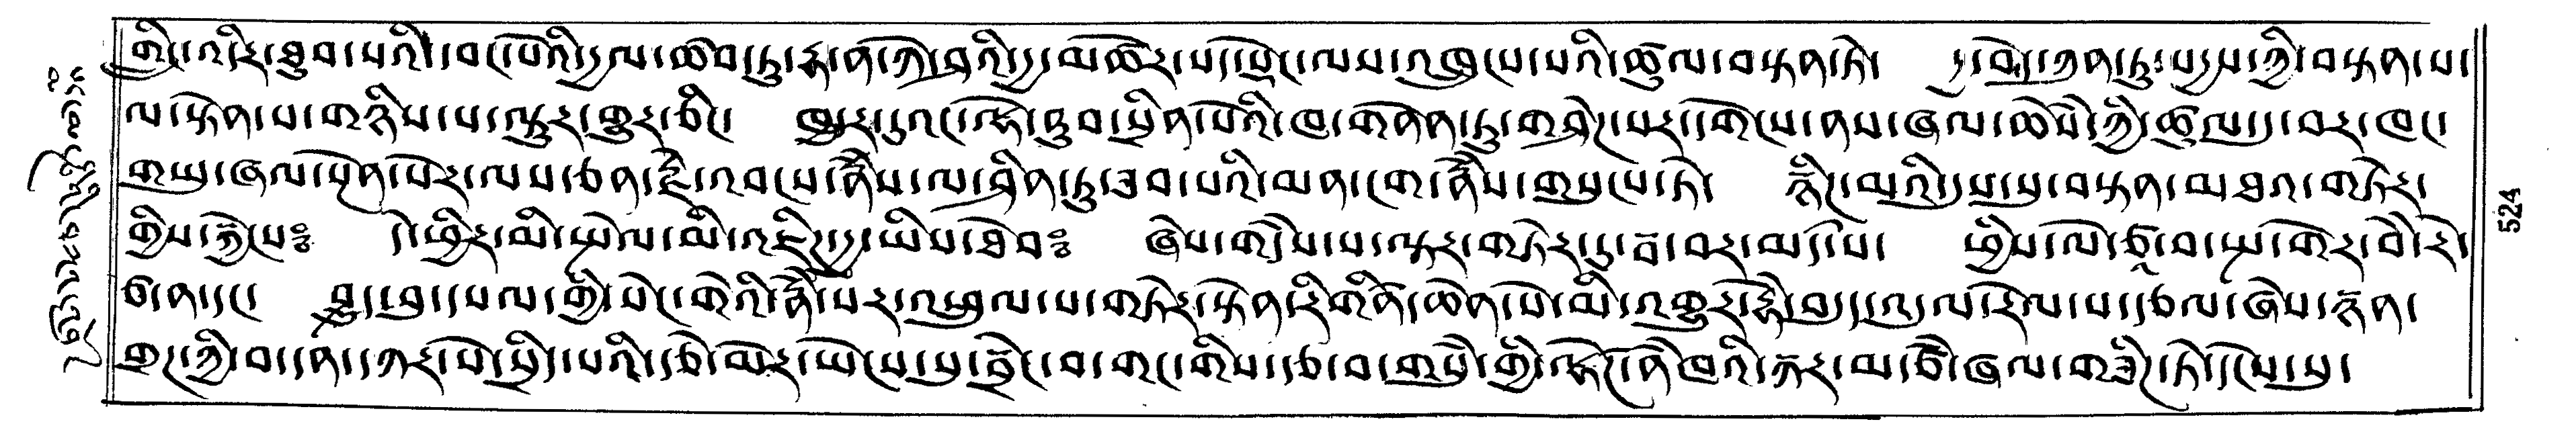གླིང་འདིར་ཐུབ་པའི་དབང་པོའི་རྒྱལ་ཚབ་ཏུ་དྷ་ན་ཀོ་ཤའི་རྒྱ་མཚོར་པད་སྡོང་ལས་འཁྲུངས་པའི་ཚུལ་བསྟན་ཏེ། རྒྱ་བོད་ཀུན་ཏུ་སངས་རྒྱས་ཀྱི་བསྟན་པ་
ལ་སྟོན་པ་གཉིས་པ་ལྟ་བུར་གྱུར་ཅིང་། ཁྱད་པར་དུའང་ལྷོ་ནུབ་སྲིན་པོའི་ཁ་གནོན་ཏུ་གཤེགས་པར་དགོངས་ནས་ཞལ་ཆེམས་ཀྱི་ཚུལ་དུ་བར་ཁང་
གཡུ་ཞལ་སྔོན་པོར་ལས་ཅན་རྗེ་འབངས་རྣམས་ལ་ཤིན་ཏུ་ཟབ་པའི་མན་ངག་རྣམས་གསུངས་ཏེ། སྙིགས་མའི་དུས་སུ་བསྟན་མཐའ་གཏེར་
གྱིས་སྐྱོངས༔ དེ་ཕྱིར་མི་སྤེལ་མི་འཇིག་རྒྱ་ཡིས་ཐོབ༔ ཅེས་གདམས་པ་ལྟར་གཏེར་དུ་སྦ་བར་མཛད་པ། ཕྱིས་ལོ་ཙཱ་བ་སྤ་གོར་བེ་རོ་
ཙ་ན་དང་། ཤུད་བུ་དཔལ་གྱི་སེང་གེའི་རྣམ་པར་འཕྲུལ་པ་གཏེར་སྟོན་རིག་འཛིན་ཆེན་པོ་མི་འགྱུར་རྡོ་རྗེ་བདུད་འདུལ་རོལ་པ་རྩལ་ཞེས་སྙན་
གྲགས་ཀྱི་བ་དན་དཀར་པོ་སྲིད་པའི་རྩེ་མོར་ཡོངས་སུ་སྦྲེང་བ་གང་གིས་རྩ་བ་གསུམ་གྱི་ལྷ་ཚོགས་ནམ་མཁའི་སྐར་མ་ཙམ་ཞལ་གཟིགས་ཏེ་དངོས་སུ་